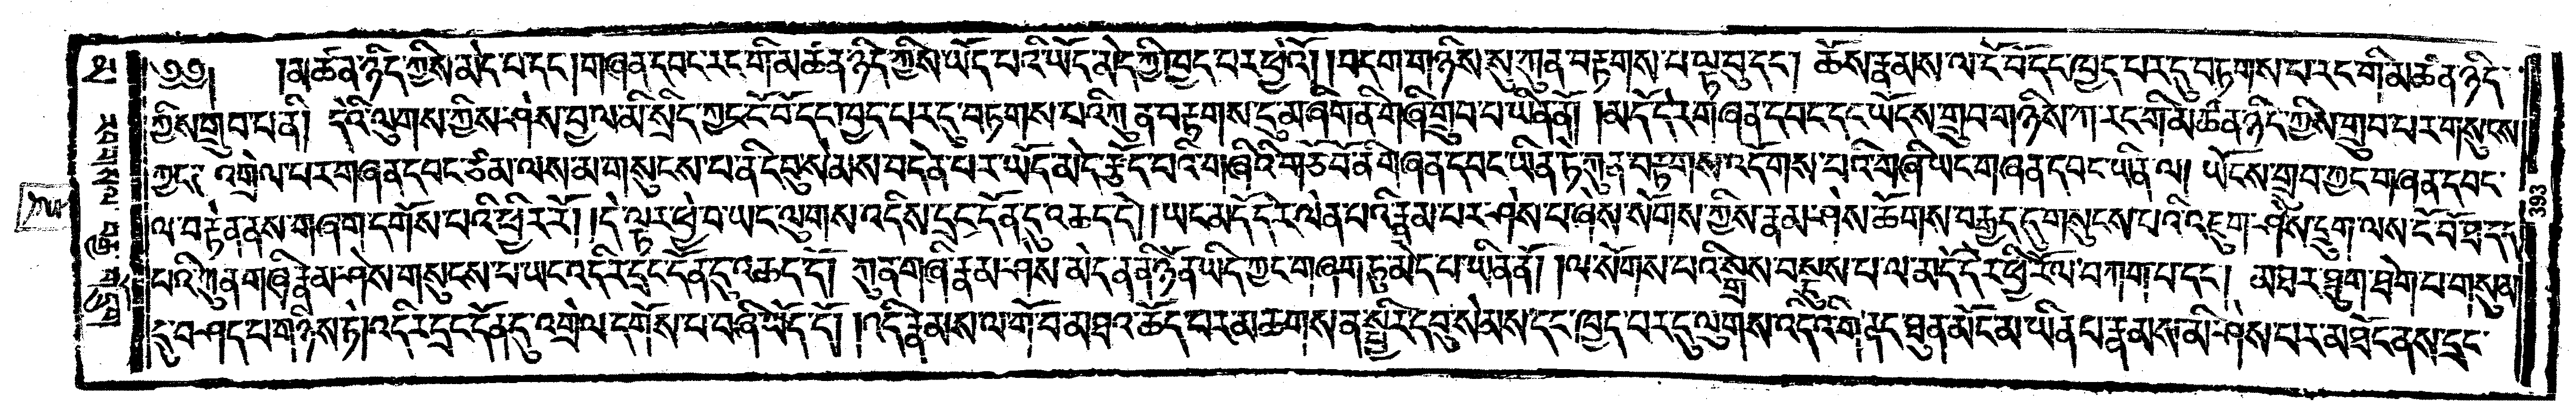༄༅། །མཚན་ཉིད་ཀྱིས་མེད་པ་དང་། གཞན་དབང་རང་གི་མཚན་ཉིད་ཀྱིས་ཡོད་པའི་ཡོད་མེད་ཀྱི་ཁྱད་པར་ཕྱིའོ། །བདག་གཉིས་སུ་ཀུན་བརྟགས་པ་ལྟ་བུ་དང་། ཆོས་རྣམས་ལ་ངོ་བོ་དང་ཁྱད་པར་དུ་བཏགས་པ་རང་གི་མཚན་ཉིད་
ཀྱིས་གྲུབ་པ་ནི། དེའི་ལུགས་ཀྱིས་ཤེས་བྱ་ལ་མི་སྲིད་ཀྱང་ངོ་བོ་དང་ཁྱད་པར་དུ་བཏགས་པའི་ཀུན་བརྟགས་དུ་མ་ཞིག་ནི་གཞི་གྲུབ་པ་ཡིན་ནོ། །མདོ་དེར་གཞན་དབང་དང་ཡོངས་གྲུབ་གཉིས་ཀ་རང་གི་མཚན་ཉིད་ཀྱིས་གྲུབ་པར་གསུངས་
ཀྱང༑ འགྲེལ་པར་གཞན་དབང་ཙམ་ལས་མ་གསུངས་པ་ནི་དབུ་སེམས་བདེན་པར་ཡོད་མེད་རྩོད་པའི་གཞིའི་གཙོ་བོ་ནི་གཞན་དབང་ཡིན་ཏེ་ཀུན་བརྟགས་འདོགས་པའི་གཞི་ཡང་གཞན་དབང་ཡིན་ལ། ཡོངས་གྲུབ་ཀྱང་གཞན་དབང་
ལ་བརྟེན་ནས་གཞག་དགོས་པའི་ཕྱིར་རོ། །དེ་ལྟར་ཕྱེ་བ་ཡང་ལུགས་འདིས་དྲང་དོན་དུ་འཆད་དོ། །ཡང་མདོ་དེར་ལེན་པའི་རྣམ་པར་ཤེས་པ་ཞེས་སོགས་ཀྱིས་རྣམ་ཤེས་ཚོགས་བརྒྱད་དུ་གསུངས་པའི་འཇུག་ཤེས་དྲུག་ལས་ངོ་བོ་ཐ་དད་
པའི་ཀུན་གཞི་རྣམ་ཤེས་གསུངས་པ་ཡང་འདིར་དྲང་དོན་དུ་འཆད་དོ། ཀུན་གཞི་རྣམ་ཤེས་མེད་ན་ནི་ཉོན་ཡིད་ཀྱང་གཞག་ཏུ་མེད་པ་ཡིན་ནོ། །ལ་སོགས་པའི་སྒྲས་བསྡུས་པ་ལ་མདོ་དེར་ཕྱི་རོལ་བཀག་པ་དང་། མཐར་ཐུག་ཐེག་པ་གསུམ་
དུ་བཤད་པ་གཉིས་ཏེ། འདིར་དྲང་དོན་དུ་འགྲེལ་དགོས་པ་བཞི་ཡོད་དོ། །འདི་རྣམས་ལ་གོ་བ་མཐའ་ཆོད་པར་མ་ཆགས་ན་སྤྱིར་དབུ་སེམས་དང་ཁྱད་པར་དུ་ལུགས་འདིའི་གནད་ཐུན་མོང་མ་ཡིན་པ་རྣམས་མི་ཤེས་པར་མཐོང་ནས་དྲང་